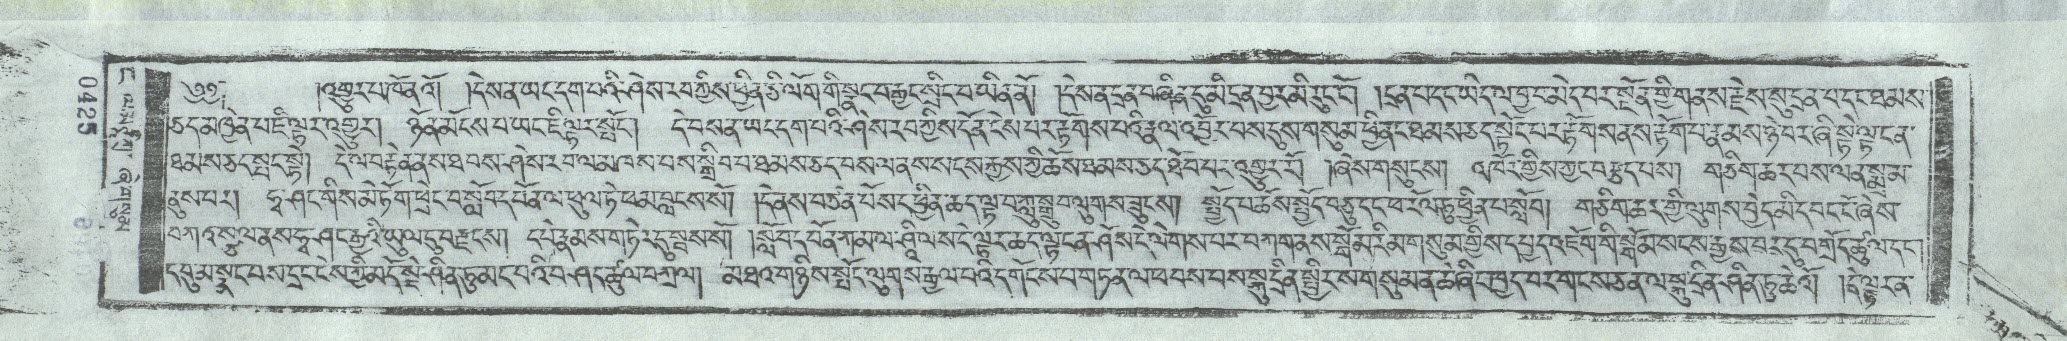༄༅། །འགྱུར་པ་ཁོ་ནའོ། །དེས་ན་ཡང་དག་པའི་ཤེས་རབ་ཀྱིས་ཕྱིན་ཅི་ལོག་གི་སྣང་བ་རྒྱང་སྲིང་བ་ཡིན་ནོ། །དེས་ན་དྲན་བཞིན་དུ་མི་དྲན་བྱར་མི་རུང་ངོ། །དྲན་པ་དང་ཡིད་ལ་བྱ་བ་མེད་པར་སྔོན་གྱི་གནས་རྗེས་སུ་དྲན་པ་དང་ཐམས་
ཅད་མཁྱེན་པ་ཇི་ལྟར་འགྱུར། ཉོན་མོངས་པ་ཡང་ཇི་ལྟར་སྤོང་། དེ་བས་ན་ཡང་དག་བའི་ཤེས་རབ་ཀྱིས་དོན་ངེས་པར་རྟོགས་པའི་རྣལ་འབྱོར་པས་དུས་གསུམ་ཕྱི་ནང་ཐམས་ཅད་སྟོང་པར་རྟོགས་ནས་རྟོག་པ་རྣམས་ཉེ་པར་ཞི་སྟེ་ལྟ་ངན་
ཐམས་ཅད་སྤང་སྟེ། དེ་ལ་བརྟེན་ནས་ཐབས་ཤེས་རབ་ལ་མཁས་པས་སྒྲིབ་པ་ཐམས་ཅད་བསལ་ནས་སངས་རྒྱས་ཀྱི་ཆོས་ཐམས་ཅད་ཐོབ་པར་འགྱུར་རོ། །ཞེས་གསུངས། འཁོར་གྱིས་ཀྱང་བརྩད་པས། གཅིག་ཆར་བས་ལན་སྨྲ་མ་
ནུས་པར། ཧྭ་ཤང་གིས་མེ་ཏོག་ཕྲེང་བ་སློབ་དཔོན་ལ་ཕུལ་ཏེ་ཕམ་བླངས་སོ། །དེ་ནས་བཙན་པོ་སང་ཕྱིན་ཆད་ལྟ་བ་ཀླུ་སྒྲུབ་ལུགས་ཟུངས། སྤྱོད་པ་ཆོས་སྤྱོད་བཅུ་དང་ཕ་རོལ་ཏུ་ཕྱིན་པ་སློབ། གཅིག་ཆར་གྱི་ལུགས་བྱེད་མི་དབང་ངོ་ཞེས་
བཀའ་སྩལ་ནས་ཧྭ་ཤང་རྒྱའི་ཡུལ་དུ་བརྫངས། དཔེ་རྣམས་གཏེར་དུ་སྦས་སོ། །སློབ་དཔོན་ཀ་མ་ལ་ཤཱི་ལས་དེ་ལྟར་ཆང་ལྟ་ངན་ཤོས་དེ་ལེགས་པར་བཀག་ནས་སྒོམ་རིམ་གསུམ་གྱིས་དཔྱད་འཇོག་གི་སྒོམ་སངས་རྒྱས་པར་དུ་བགྲོད་ཚུལ་དང་།
དབུ་མ་སྣང་བས་དྲང་ངེས་ཀྱི་མདོ་སྔེ་ཤིན་ཏུ་མང་པའི་བཤད་ཚུལ་བཀྲལ། མཐའ་གཉིས་སྤོང་ལུགས་རྒྱལ་པའི་དགོངས་པ་གཏན་ལ་ཕབས་པས་སྐུ་དྲིན་སྦྱིར་ས་གསུམ་ན་ཆེ་ཞིང་ཁྱད་པར་གངས་ཅན་ལ་སྐུ་དྲིན་ཤིན་ཏུ་ཆེའོ། །དེ་ལྟར་ན་